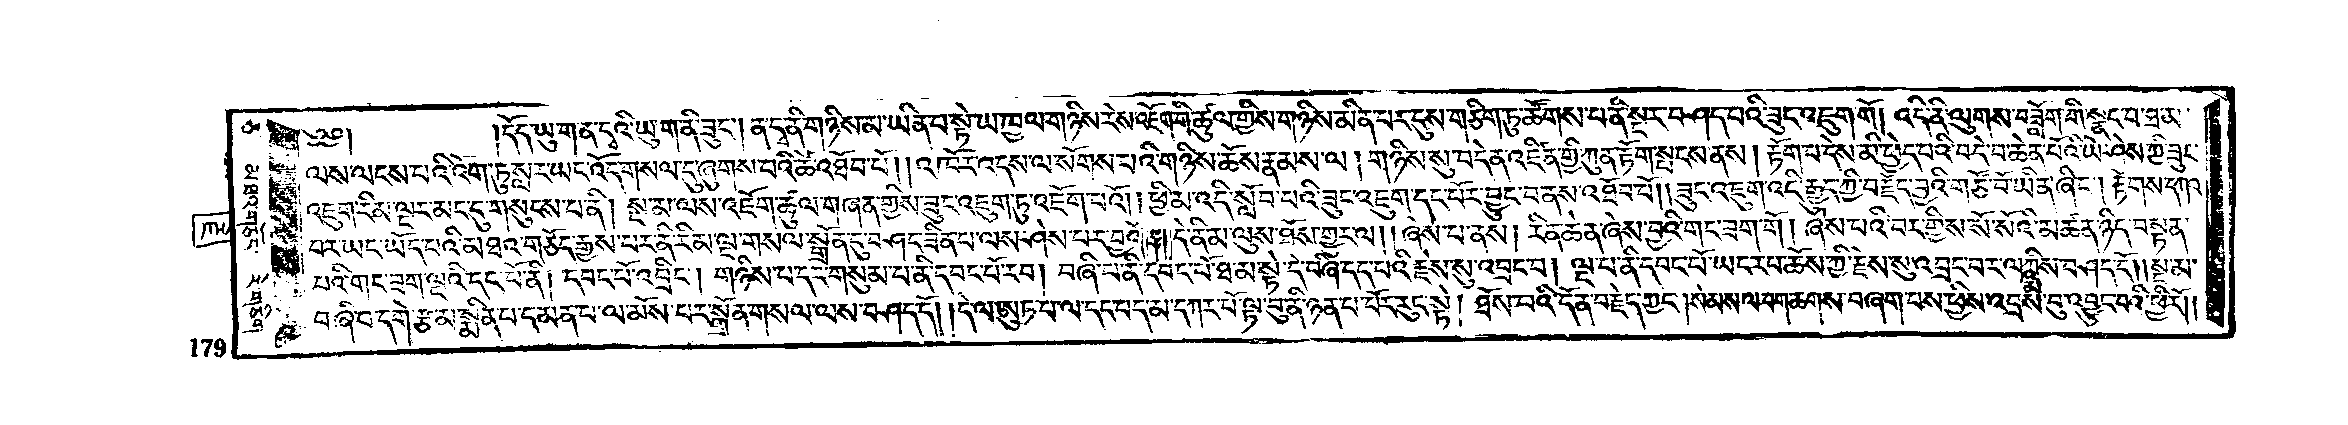༄༅། །དོད་ཡུ་ག་ན་དྭའི་ཡུ་ག་ནི་ཟུང་། ན་དྭ་ནི་གཉིས་མ་ཡིན་པ་སྟེ་ཡ་ཁྱལ་གཉིས་རེས་འཇོག་གི་ཚུལ་གྱིས་གཉིས་མིན་པར་དུས་གཅིག་ཏུ་ཚོགས་པ་ནི་སྔར་བཤད་པའི་ཟུང་འཇུག་གོ །འདི་ནི་ལུགས་བཟློག་གི་སྣང་བ་ཐ་མ་
ལས་ལངས་པའི་འོག་ཏུ་སླར་ཡང་འོད་གསལ་དུ་ཞུགས་པའི་ཚེ་འཐོབ་པོ། །འཁོར་འདས་ལ་སོགས་པའི་གཉིས་ཆོས་རྣམས་ལ། གཉིས་སུ་བདེན་འཛིན་གྱི་ཀུན་རྟོག་སྤངས་ནས། རྟོག་པ་དེས་མི་ཕྱེད་པའི་བདེ་བ་ཆེན་པོའི་ཡེ་ཤེས་ཀྱི་ཟུང་
འཇུག་རིམ་ལྔར་མང་དུ་གསུངས་པ་ནི། སྔ་མ་ལས་འཇོག་ཚུལ་གཞན་གྱིས་ཟུང་འཇུག་ཏུ་འཇོག་པའོ། །ཕྱི་མ་འདི་སློབ་པའི་ཟུང་འཇུག་དང་པོར་བྱུང་བ་ནས་འཐོབ་པོ། །ཟུང་འཇུག་འདི་རྒྱུད་ཀྱི་བརྗོད་བྱའི་གཙོ་བོ་ཡིན་ཞིང་། རྟོགས་དཀའ་
བར་ཡང་ཡོད་པའི་མཐའ་གཅོད་རྒྱས་པར་ནི་རིམ་ལྔ་གསལ་སྒྲོན་དུ་བཤད་ཟིན་པ་ལས་ཤེས་པར་བྱའོ།། ༈ །།དེ་ནི་མ་ལུས་ཐོས་གྱུར་ལ། །ཞེས་པ་ནས། རིན་ཆེན་ཞེས་བྱའི་གང་ཟག་གོ །ཞེས་པའི་བར་གྱིས་སོ་སོའི་མཚན་ཉིད་བསྟན་
པའི་གང་ཟག་ལྔའི་དང་པོ་ནི། དབང་པོ་འབྲིང་། གཉིས་པ་དང་གསུམ་པ་ནི་དབང་པོ་རབ། བཞི་པ་ནི་དབང་པོ་ཐ་མ་སྟེ་དེ་བཞི་དད་པའི་རྗེས་སུ་འབྲང་བ། ལྔ་པ་ནི་དབང་པོ་ཡང་རབ་ཆོས་ཀྱི་རྗེས་སུ་འབྲང་བར་ལཀྵྨིས་བཤད་དོ། །སྔ་མ་
བཞི་ཀ་དགེ་རྩ་མ་སྨིན་པ་དམན་པ་ལ་མོས་པར་སྒྲོན་གསལ་ལས་བཤད་དོ། །དེ་ལ་ཨུཏ་པ་ལ་དང་པད་མ་དཀར་པོ་ལྟ་བུ་ནི་ཉན་པ་པོར་རུང་སྟེ། ཐོས་པའི་དོན་བརྗེད་ཀྱང་། སེམས་ལ་བག་ཆགས་བཞག་པས་ཕྱིས་འབྲས་བུ་འབྱུང་བའི་ཕྱིར་རོ། །